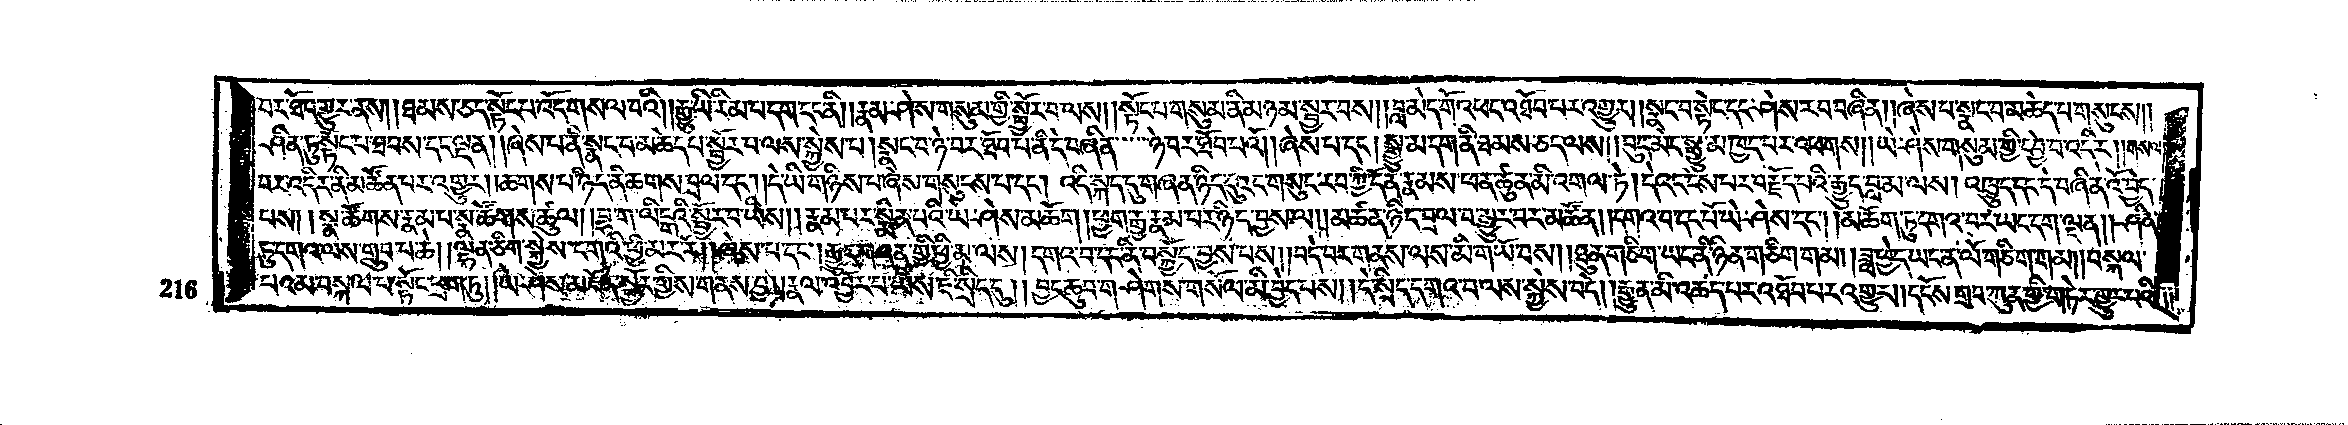བར་ཐོབ་གྱུར་ནས། །ཐམས་ཅད་སྟོང་པ་འོད་གསལ་བའི། །རྒྱུ་ཡི་རིམ་པ་དག་དང་ནི། །རྣམ་ཤེས་གསུམ་གྱི་སྦྱོར་བ་ལས། །སྟོང་པ་གསུམ་ནི་མཉམ་སྦྱར་བས། །བླ་མེད་གོ་འཕང་འཐོབ་པར་འགྱུར། །སྣང་བ་སྟེང་དང་ཤེས་རབ་བཞིན། །ཞེས་པ་སྣང་བ་མཆོད་པ་གསུངས། །
ཤིན་ཏུ་སྟོང་པ་ཐབས་དང་ལྡན། །ཞེས་པ་ནི་སྣང་བ་མཆེད་པ་སྦྱོར་བ་ལས་སྐྱེས་པ། སྣང་བ་ཉེ་བར་ཐོབ་པ་ནི་དེ་བཞིན་ཉེ་བར་ཐོབ་པའོ། །ཞེས་པ་དང་། སྒྱུ་མ་དག་ནི་ཐམས་ཅད་ལས། །བུད་མེད་སྒྱུ་མ་ཁྱད་པར་འཕགས། །ཡེ་ཤེས་གསུམ་གྱི་དབྱེ་བ་འདིར། །གསལ་
བར་འདིར་ནི་མཚོན་པར་འགྱུར། །ཆགས་པ་ཉིད་ནི་ཆགས་བྲལ་དང་། །དེ་ཡི་གཉིས་པ་ཞེས་གསུངས་པ་དང་། འདི་སྐད་དུ་གཞན་ཉིད་དུའང་གསུང་རབ་ཀྱི་དོན་རྣམས་ཕན་ཚུན་མི་འགལ་ཏེ། དེའང་ངེས་པར་བརྗོད་པའི་རྒྱུད་བླ་མ་ལས། འཁྱུད་དང་དེ་བཞིན་འོ་བྱེད་
པས། །སྣ་ཚོགས་རྣམ་པ་སྣ་ཚོགས་ཚུལ། །བྷ་ག་ལིངྒའི་སྦྱོར་བ་ཡིས། །རྣམ་པར་སྨིན་པའི་ཡེ་ཤེས་མཆོག །ཕྱག་རྒྱ་རྣམ་པར་ཉིད་བྱས་ལ། །མཚན་ཉིད་བྲལ་བ་མྱུར་བར་མཚོན། །དགའ་བ་དང་པོ་ཡེ་ཤེས་དང་། །མཆོག་ཏུ་དགའ་བར་ཡང་དག་ལྡན། །ཤིན་
ཏུ་དགའ་ལས་གྲུབ་པ་ཆེ། །ལྷན་ཅིག་སྐྱེས་དགའི་ཕྱི་མར་རོ། །ཞེས་པ་དང་། རྒྱུད་གཞན་གྱི་ཕྱི་མ་ལས། དགའ་བ་དང་ནི་བསྐྱོད་བྱས་པས། །བདེ་བར་གནས་ལས་མི་གཡོ་བས། །ཐུན་གཅིག་ཡང་ནི་ཉིན་གཅིག་གམ། །ཟླ་ཕྱེད་ཡང་ན་ལོ་གཅིག་གམ། །བསྐལ་
པའམ་བསྐལ་པ་སྟོང་ཕྲག་ཏུ། །ཡེ་ཤེས་མངོན་སྦྱོར་གྱིས་གནས་བྱ། །རྣལ་འབྱོར་པ་ཡིས་ཇི་སྲིད་དུ། །བྱང་ཆུབ་གཤེགས་གསོལ་མི་བྱེད་པས། །དེ་སྲིད་དགའ་བ་ལས་སྐྱེས་བདེ། །རྒྱུན་མི་འཆད་པར་འཐོབ་པར་འགྱུར། །དངོས་གྲུབ་ཀུན་གྱི་གཏེར་གྱུར་པའི་